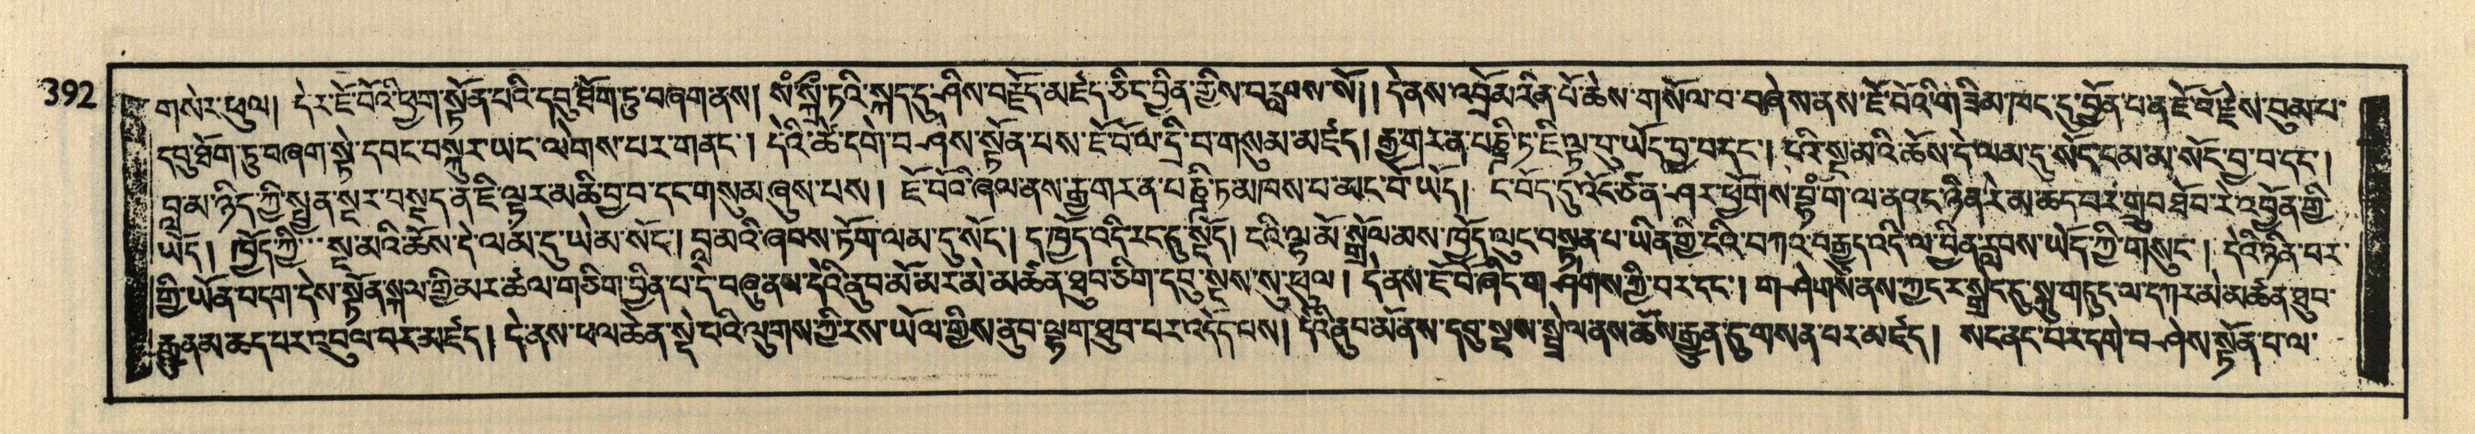གསེར་ཕུལ། དེར་ཇོ་བོའི་ཕྱག་སྟོན་པའི་དབུ་ཐོག་ཏུ་བཞག་ནས། སཾ་སྐྲྀ་ཏའི་སྐད་དུ་ཤིས་བརྗོད་མཛད་ཅིང་བྱིན་གྱིས་བརླབས་སོ། །དེ་ནས་འབྲོམ་རིན་པོ་ཆེས་གསོལ་བ་བཞེས་ནས་ཇོ་བོའི་གཟིམ་ཁང་དུ་བྱོན་པ་ན་ཇོ་བོ་རྗེས་བུམ་པ་
དབུ་ཐོག་ཏུ་བཞག་སྟེ་དབང་བསྐུར་ཡང་ལེགས་པར་གནང་། དེའི་ཚེ་དགེ་བཤེས་སྟོན་པས་ཇོ་བོ་ལ་དྲི་བ་གསུམ་མཛད། རྒྱ་གར་ན་པཎྜི་ཏ་ཇི་ལྟ་བུ་ཡོད་བྱ་བ་དང་། ངའི་སྔ་མའི་ཆོས་དེ་ལམ་དུ་སོང་ངམ་མ་སོང་བྱ་བ་དང་།
བླ་མ་ཉིད་ཀྱི་སྤྱན་སྔར་བསྡད་ན་ཇི་ལྟར་མཆི་བྱ་བ་དང་གསུམ་ཞུས་པས། ཇོ་བོའི་ཞལ་ནས་རྒྱ་གར་ན་པཎྜི་ཏ་མཁས་པ་མང་པོ་ཡོད། ང་བོད་དུ་འོང་ཙ་ན་ཤར་ཕྱོགས་བྷཾ་ག་ལ་ནའང་ཉིན་རེ་མ་ཆད་བར་གྲུབ་ཐོབ་རེ་འབྱོན་གྱི་
ཡོད། ཁྱོད་ཀྱི་སྔ་མའི་ཆོས་དེ་ལམ་དུ་ཡེ་མ་སོང་། བླ་མའི་ཞབས་ཏོག་ལམ་དུ་སོང་། ད་ཁྱོད་འདི་རང་དུ་སྡོད། ངའི་ལྷ་མོ་སྒྲོལ་མས་ཁྱོད་ལུང་བསྟན་པ་ཡིན་གྱི་ངའི་བཀའ་བརྒྱུད་འདི་ལ་བྱིན་རླབས་ཡོད་ཀྱི་གསུང་། དེའི་ཉིན་པར་
གྱི་ཡོན་བདག་དེས་སྟོན་སྐལ་གྱི་མར་ཚལ་གཅིག་བྱིན་པ་དེ་བཞུ་ནས་དེའི་ནུབ་མོ་མར་མེ་མཚན་ཐུབ་ཅིག་དབུ་སྔགས་སུ་ཕུལ། དེ་ནས་ཇོ་བོ་ཞིང་གཤེགས་ཀྱི་བར་དང་། གཤེགས་ནས་ཀྱ་ངར་སྒྲེང་དུ་སྐུ་གདུང་ལ་དཀར་མེ་མཚན་ཐུབ་
རྒྱུན་མ་ཆད་པར་འབུལ་བར་མཛད། དེ་ནས་ཕལ་ཆེན་སྡེ་པའི་ལུགས་ཀྱི་རས་ཡོལ་གྱིས་ནུབ་ལྷག་ཐུབ་པར་འདོད་པས། དེའི་ནུབ་མོ་ནས་དབུ་སྔས་སྦྲེལ་ནས་ཆོས་རྒྱུན་དུ་གསན་པར་མཛད། སང་ནང་བར་དགེ་བཤེས་སྟོན་པ་ལ་